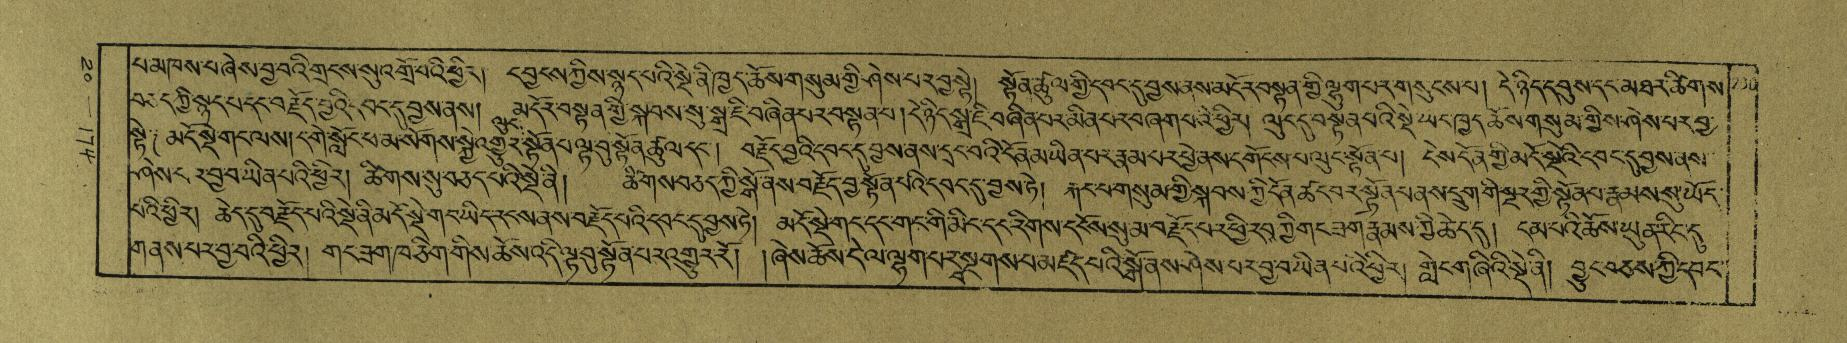པ་མཁས་པ་ཞེས་བྱ་བའི་གྲངས་སུ་འགྲོ་བའི་ཕྱིར། དབྱངས་ཀྱིས་སྙད་པའི་སྡེ་ནི་ཁྱད་ཆོས་གསུམ་གྱི་ཤེས་པར་བྱ་སྟེ། སྟོན་ཚུལ་གྱི་དབང་དུ་བྱས་ནས་མདོར་བསྟན་གྱི་ལྷུག་པར་གསུངས་པ། དེ་ཉིད་དབུས་དང་མཐར་ཚིགས་
བཅད་ཀྱི་སྙད་པ་དང་བརྗོད་བྱའི་དབང་དུ་བྱས་ནས། མདོར་བསྟན་གྱི་སྐབས་སུ་སྒྲ་ཇི་བཞིན་པར་བསྟན་པ། དེ་ཉིད་སྒྲ་ཇི་བཞིན་པར་མིན་པར་བཞག་པའི་ཕྱིར། ལུང་དུ་བསྟན་པའི་སྡེ་ཡང་ཁྱད་ཆོས་གསུམ་གྱིས་ཤེས་པར་བྱ་
སྟེ༑ མདོ་སྡེ་གང་ལས། དགེ་སློང་ཕ་མ་སོགས་སྐྱེ་འགྱུར་ལུང་སྟོན་པ་ལྟ་བུ་སྟོན་ཚུལ་དང་། བརྗོད་བྱའི་དབང་དུ་བྱས་ནས་དྲང་བའི་དོན་མ་ཡིན་པར་རྣམ་པར་ཕྱེ་ནས་དགོངས་པ་ལུང་སྟོན་པ། ངེས་དོན་གྱི་མདོ་སྡེའི་དབང་དུ་བྱས་ནས་
ཤེས་པར་བྱ་བ་ཡིན་པའི་ཕྱིར། ཚིགས་སུ་བཅད་པའི་སྡེ་ནི། ཚིགས་བཅད་ཀྱི་སྒོ་ནས་བརྗོད་བྱ་སྟོན་པའི་དབང་དུ་བྱས་ཏེ། རྐང་པ་གསུམ་གྱི་སྐབས་ཀྱི་དོན་ཚང་བར་སྟོན་པ་ནས་དྲུག་གི་སྔར་གྱི་སྟོན་པ་རྣམས་སུ་ཡོད་
པའི་ཕྱིར། ཆེད་དུ་བརྗོད་པའི་སྡེ་ནི་མདོ་སྡེ་གང་ཡིད་རངས་ནས་བརྗོད་པའི་དབང་དུ་བྱས་ཏེ། མདོ་སྡེ་གང་དང་གང་གི་མིང་དང་རིགས་དངོས་སུ་མ་བརྗོད་པར་ཕྱི་རབས་ཀྱི་གང་ཟག་རྣམས་ཀྱི་ཆེད་དུ། དམ་པའི་ཆོས་ཡུན་རིང་དུ་
གནས་པར་བྱ་བའི་ཕྱིར། གང་ཟག་ཁ་ཅིག་གིས་ཆོས་འདི་ལྟ་བུ་སྟོན་པར་འགྱུར་རོ། །ཞེས་ཆོས་དེ་ལ་ལྷག་པར་བསྔགས་པ་མཛད་པའི་སྒོ་ནས་ཤེས་པར་བྱ་བ་ཡིན་པའི་ཕྱིར། གླེང་གཞིའི་སྡེ་ནི། བྱུང་བཅས་ཀྱི་དབང་